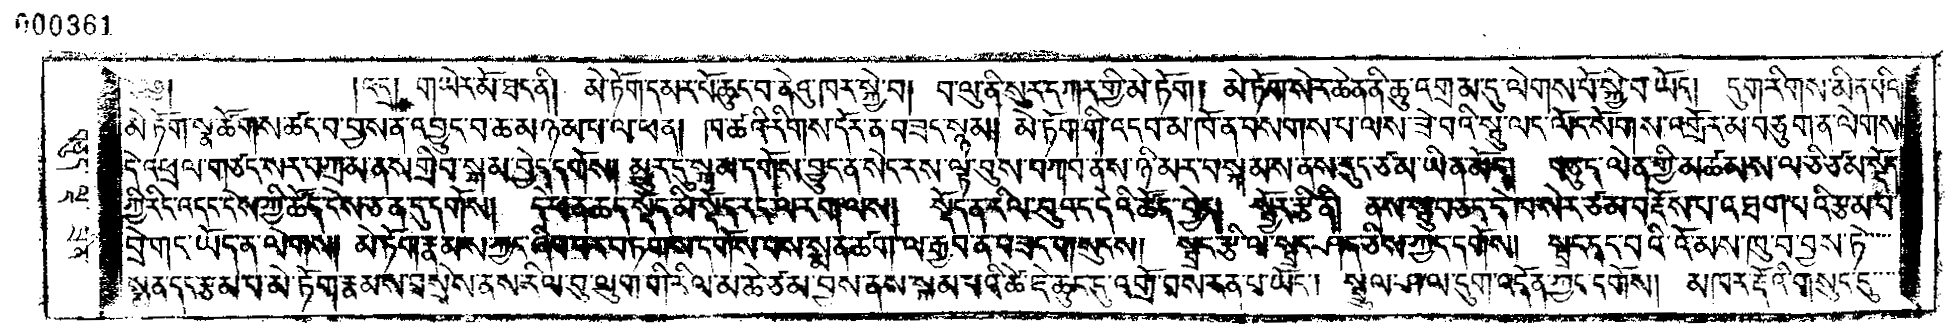༄༅། །འདྲ། གཡེར་མོ་ཐང་ནི། མེ་ཏོག་དམར་པོ་ཆུང་བ་ནེའུ་ཁར་སྐྱེ་བ། བ་ལུ་ནི་སུར་དཀར་གྱི་མེ་ཏོག །མེ་ཏོག་སེར་ཆེན་ནི་ཆུ་འགྲམ་དུ་ལེགས་པོ་སྐྱེ་བ་ཡོད། དུག་རིགས་མིན་པའི་
མེ་ཏོག་སྣ་ཚོགས་ཚང་བ་བྱས་ན་འབྱུང་བ་ཆ་མཉམ་པ་ལ་ཕན། ཁ་ཚའི་རིགས་དོར་ན་བཟང་སྙམ། མེ་ཏོག་གི་འདབ་མ་ཁོ་ན་བསགས་པ་ལས་ཟེ་བའི་སྤུ་ལང་ལོང་སོགས་འགྲོར་མ་བཅུག་ན་ལེགས་
དེ་འཕྲལ་གཙང་སར་བཀྲམ་ནས་གྲིབ་སྐམ་བྱེད་དགོས། མྱུར་དུ་སྐམ་དགོས་བྱུང་ན་སེང་རས་ལྟ་བུས་བཀབ་ནས་ཉི་མར་བསྐམས་ནས་རུང་ཙམ་ཡིན་མོད། བཅུད་ལེན་གྱི་མཚམས་ལ་ཅི་ཙམ་སྡོད་
ཀྱི་རིང་འདང་ངེས་ཀྱི་ཚོད་ངེས་ཅན་དུ་དགོས། དེ་ཕན་ཆད་སྡོད་མི་སྡོད་རང་ལ་རག་ལས། སྡོད་ན་རིལ་བུའང་དེའི་ཚོད་བྱེད། སྦྱོར་རྩི་ནི། ནས་སྤུ་བཅད་དེ་ཁ་སེར་ཙམ་བརྔོས་པ་འཐག་པའི་རྩམ་པ་
བྲེ་གང་ཡོད་ན་ལེགས། མེ་ཏོག་རྣམས་ཀྱང་ཞིབ་པར་བཏགས་དགོས་པས་སྨན་ཚག་ལ་རྒྱབ་ན་བཟང་གསུངས། སྦྲང་རྩི་ལ་སྦྲང་ཤད་ཅིས་ཀྱང་དགོས། སྦྲང་དང་བའི་འོ་མས་ཁུ་བ་བྱས་ཏེ་
སྨན་དང་རྩམ་པ་མེ་ཏོག་རྣམས་བསྲེས་ནས་རིལ་བུ་ལུག་གི་རིལ་མ་ཆེ་ཙམ་བྱས་ནས་སྐམ་པའི་ཚེ་ཇེ་ཆུང་དུ་འགྲོ་བས་རན་པ་ཡོང་། སྦྲུལ་ཤ་ལ་དུག་འདོན་ཀྱང་དགོས། མཁར་རྡོའི་གསུང་དུ་